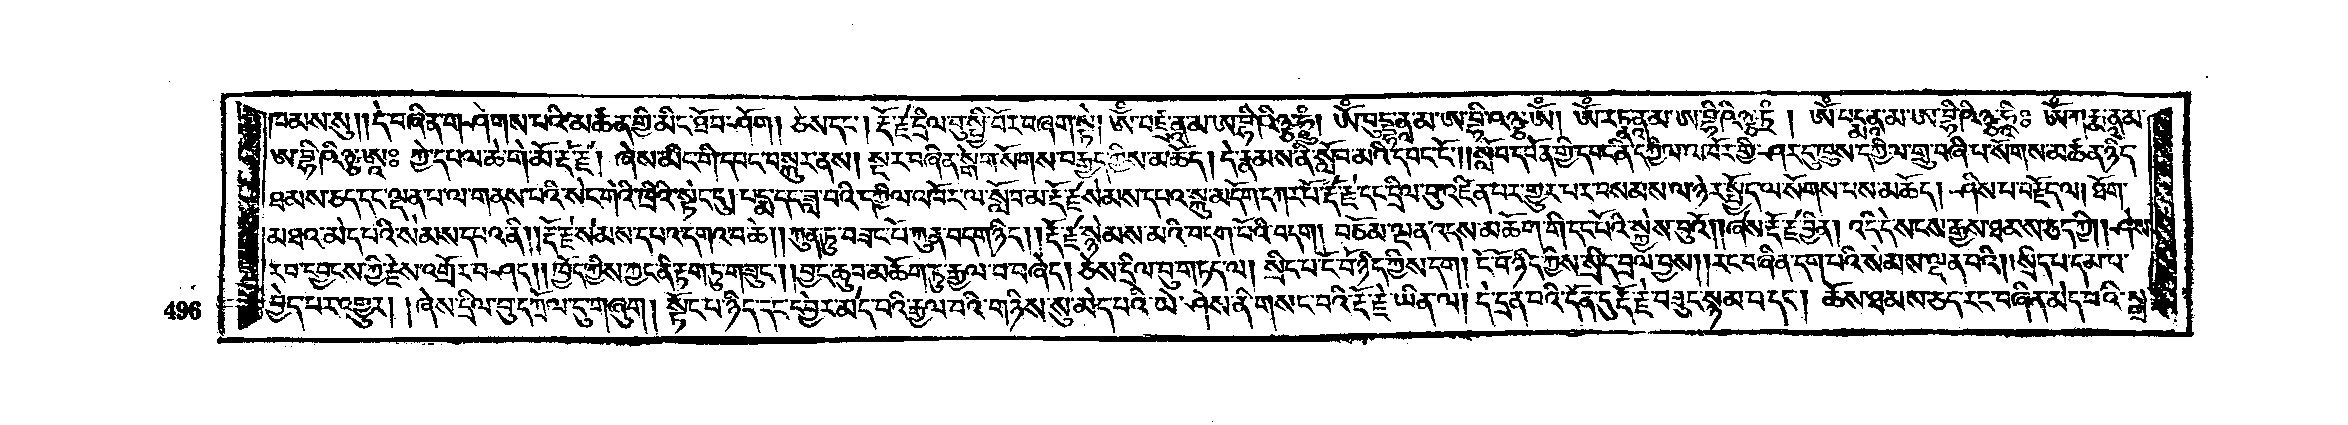ཁམས་སུ། །དེ་བཞིན་གཤེགས་པའི་མཚན་གྱི་མིང་ཐོབ་ཤོག །ཅེས་དང་། རྡོ་རྗེ་དྲིལ་བུ་སྤྱི་བོར་བཞག་སྟེ། ཨོཾ་བཛྲ་ནཱ་མ་ཨ་བྷི་ཥིཉྩ་ཧཱུཾ། ཨོཾ་བུདྡྷ་ནཱ་མ་ཨ་བྷི་ཥྙྩ་ཨོཾ། ཨོཾ་རཏྣ་ནཱ་མ་ཨ་བྷི་ཥིཉྩ་ཏྲཾ། ཨོཾ་པདམ་ནཱ་མ་ཨ་བྷི་ཥིཉྩ་ཧྲཱིཿ ཨོཾ་ཀརྨ་ནཱ་མ་
ཨ་བྷི་ཥིཉྩ་ཨཱཿ ཀྱེ་དཔལ་ཆེ་གེ་མོ་རྡོ་རྗེ། ཞེས་མིང་གི་དབང་བསྐུར་ནས། སྔར་བཞིན་སྒེག་སོགས་བརྒྱད་ཀྱིས་མཆོད། དེ་རྣམས་ནི་སློབ་མའི་དབང་ངོ། །སློབ་དཔོན་གྱི་དབང་ནི་དཀྱིལ་འཁོར་གྱི་ཤར་དུ་ཁྲུས་དཀྱིལ་གྲུ་བཞི་པ་སོགས་མཚན་ཉིད་
ཐམས་ཅད་དང་ལྡན་པ་ལ་གནས་པའི་སེང་གེའི་ཁྲིའི་སྟེང་དུ། པདམ་དང་ཟླ་བའི་དཀྱིལ་འཁོར་ལ་སློབ་མ་རྡོ་རྗེ་སེམས་དཔའ་སྐུ་མདོག་དཀར་པོ་རྡོ་རྗེ་དང་དྲིལ་བུ་འཛིན་པར་གྱུར་པར་བསམས་ལ་ཉེར་སྤྱོད་ལ་སོགས་པས་མཆོད། ཤིས་པ་བརྗོད་ལ། ཐོག་
མཐའ་མེད་པའི་སེམས་དཔའ་ནི། །རྡོ་རྗེ་སེམས་དཔའ་དགའ་བ་ཆེ། །ཀུན་ཏུ་བཟང་པོ་ཀུན་བདག་ཉིད། །རྡོ་རྗེ་སྙེམས་མའི་བདག་པོའི་བདག །བཅོམ་ལྡན་འདས་མཆོག་གི་དང་པོའི་སྐྱེས་བུའོ། །ཞེས་རྡོ་རྗེ་བྱིན། འདི་དེ་སངས་རྒྱས་ཐམས་ཅད་ཀྱི། །ཤེས་
རབ་དབྱངས་ཀྱི་རྗེས་འགྲོར་བཤད། །ཁྱོད་ཀྱིས་ཀྱང་ནི་རྟག་ཏུ་གཟུང་། །བྱང་ཆུབ་མཆོག་ཏུ་རྒྱལ་བ་བཞེད། ཅེས་དྲིལ་བུ་གཏད་ལ། སྲིད་པ་ངོ་བོ་ཉིད་ཀྱིས་དག །ངོ་བོ་ཉིད་ཀྱིས་སྲིད་བྲལ་བྱས། །རང་བཞིན་དག་པའི་སེམས་ལྡན་པའི། །སྲིད་པ་དམ་པ་
བྱེད་པར་འགྱུར། །ཞེས་དྲིལ་བུ་དཀྲེལ་དུ་གཞུག །སྟོང་པ་ཉིད་དང་དབྱེར་མེད་པའི་རྒྱལ་བའི་གཉིས་སུ་མེད་པའི་ཡེ་ཤེས་ནི་གསང་བའི་རྡོ་རྗེ་ཡིན་ལ། དེ་དྲན་པའི་དོན་དུ་རྡོ་རྗེ་བཟུང་སྙམ་པ་དང་། ཆོས་ཐམས་ཅད་རང་བཞིན་མེད་པའི་སྒྲ་